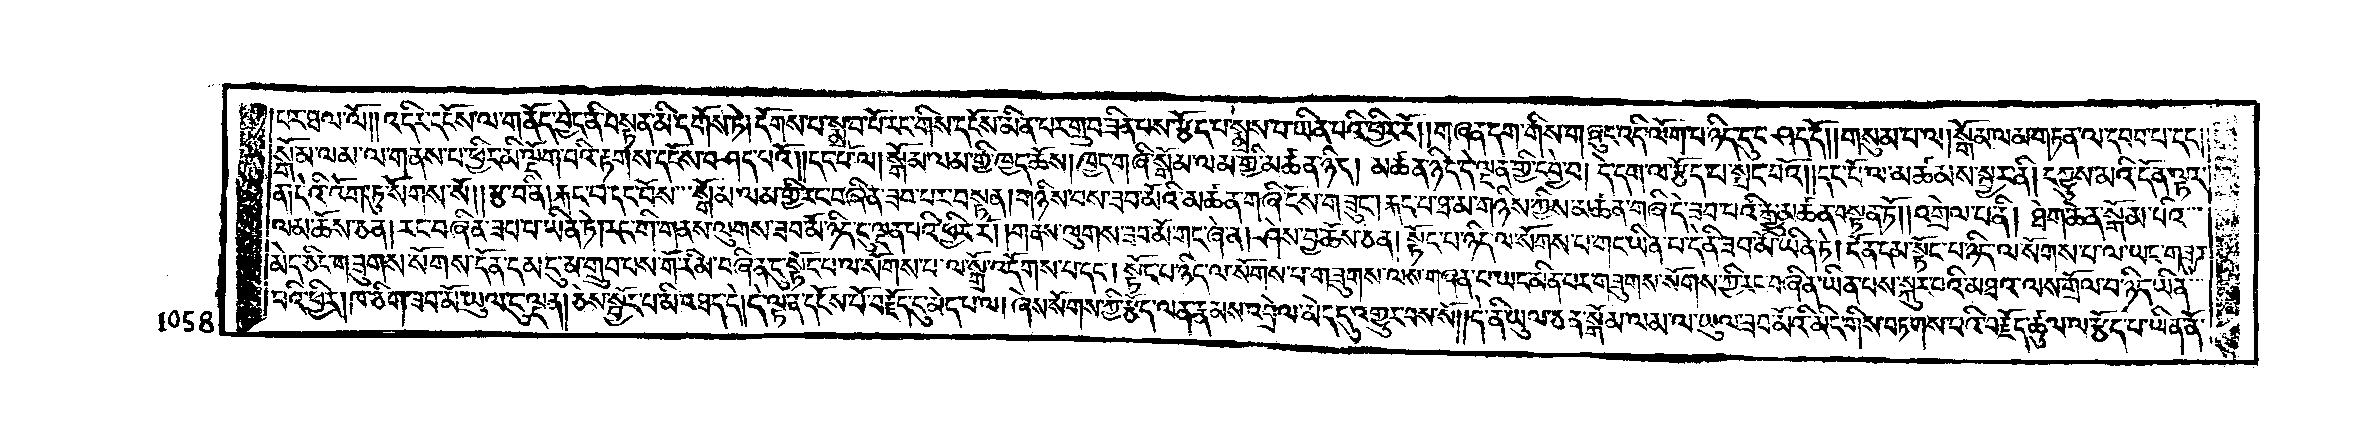པར་ཐལ་ལོ། །འདིར་དངོས་ལ་གནོད་བྱེད་ནི་བསྟན་མི་དགོས་ཏེ། དོགས་པ་སྨྲ་བ་པོ་རང་གིས་དངོས་མིན་པར་གྲུབ་ཟིན་པས་རྩོད་པ་སྨྲས་པ་ཡིན་པའི་ཕྱིར་རོ། །གཞན་དག་གིས་གཞུང་འདི་ལོག་པ་ཉིད་དུ་བཤད་དོ། །གསུམ་པ་ལ། སྒོམ་ལམ་གཏན་ལ་དབབ་པ་དང་།
སྒོམ་ལམ་ལ་གནས་པ་ཕྱིར་མི་ལྡོག་པའི་རྟགས་དངོས་བཤད་པའོ། །དང་པོ་ལ། སྒོམ་ལམ་གྱི་ཁྱད་ཆོས། ཁྱད་གཞི་སྒོམ་ལམ་གྱི་མཚན་ཉིད། མཚན་ཉིད་དེ་ལྡན་གྱི་དབྱེ་བ། དེ་དག་ལ་རྩོད་པ་སྤང་བའོ། །དང་པོ་ལ་མཚམས་སྦྱར་ནི། དཀྱུས་མའི་དོན་ལྟར་
ན། དེའི་འོག་ཏུ་སོགས་སོ། །རྩ་བ་ནི། རྐང་པ་དང་པོས་སྒོམ་ལམ་གྱི་རང་བཞིན་ཟབ་པར་བསྟན། གཉིས་པས་ཟབ་མོའི་མཚན་གཞི་ངོས་གཟུང་། རྐང་པ་ཐ་མ་གཉིས་ཀྱིས་མཚན་གཞི་དེ་ཟབ་པའི་རྒྱུ་མཚན་བསྟན་ཏོ། །འགྲེལ་པ་ནི། ཐེག་ཆེན་སྒོམ་པའི་
ལམ་ཆོས་ཅན། རང་བཞིན་ཟབ་པ་ཡིན་ཏེ། རང་གི་གནས་ལུགས་ཟབ་མོ་ཉིད་དུ་ལྡན་པའི་ཕྱིར་རོ། །གནས་ལུགས་ཟབ་མོ་གང་ཞེ་ན། ཤེས་བྱ་ཆོས་ཅན། སྟོང་པ་ཉིད་ལ་སོགས་པ་གང་ཡིན་པ་དེ་ནི་ཟབ་མོ་ཡིན་ཏེ། དོན་དམ་སྟོང་པ་ཉིད་ལ་སོགས་པ་ལ་ཡང་གཟུགས་
མེད་ཅིང་གཟུགས་སོགས་དོན་དམ་དུ་མ་གྲུབ་པས་གོ་རིམ་བཞིན་དུ་སྟོང་པ་ལ་སོགས་པ་ལ་སྒྲོ་འདོགས་པ་དང་། སྟོང་པ་ཉིད་ལ་སོགས་པ་གཟུགས་ལས་གཞན་པ་ཡང་མིན་པར་གཟུགས་སོགས་ཀྱི་རང་བཞིན་ཡིན་པས་སྐུར་པའི་མཐའ་ལས་གྲོལ་བ་ཉིད་ཡིན་
པའི་ཕྱིར། ཁ་ཅིག་ཟབ་མོ་ཡུལ་དུ་ལྡན། ཅེས་སྦྱོར་པ་མི་འཐད་དེ། དེ་ལྟ་ན་དངོས་པོ་བརྗོད་དུ་མེད་པ་ལ། ཞེས་སོགས་ཀྱི་རྩོད་ལན་རྣམས་འབྲེལ་མེད་དུ་འགྱུར་བས་སོ། །དེ་ནི་ཡུལ་ཅན་སྒོམ་ལམ་ལ་ཡུལ་ཟབ་མོའི་མིང་གིས་བཏགས་པའི་བརྗོད་ཚུལ་ལ་རྩོད་པ་ཡིན་ནོ་